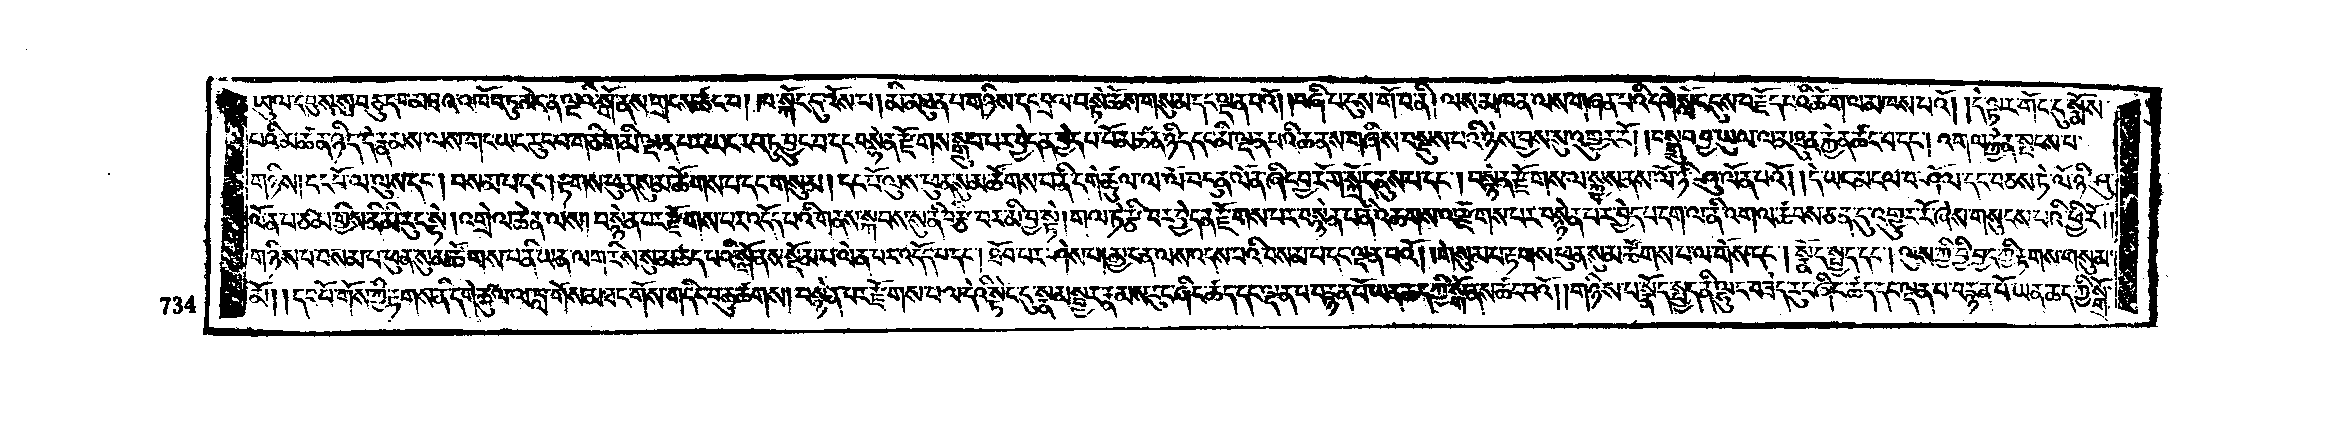ཡུལ་དབུས་སུ་བཅུ་དབ་མཐའ་འཁོབ་ཏུ་མེད་ན་ལྔའི་སྒོ་ནས་གྲངས་ཚང་བ། ཁ་སྐོང་དུ་འོས་པ། མི་མཐུན་པ་གཉིས་དང་བྲལ་བ་སྟེ་ཆོས་གསུམ་དང་ལྡན་པའོ། །བཞི་པ་དུས་གོ་བ་ནི། ལས་མཁན་ལས་གཞན་པའི་དགེ་སློང་དུས་བརྗོད་པའི་ཆོ་ག་ལ་མཁས་པའོ། །དེ་ལྟར་གོང་དུ་སྨོས་
པའི་མཚན་ཉིད་དེ་རྣམས་ལས་གང་ཡང་རུང་བ་གཅིག་མི་ལྡན་པར་ཡང་རབ་ཏུ་བྱུང་བ་དང་བསྙེན་རྫོགས་སྒྲུབ་པར་བྱེད་ན་བྱེད་པ་པོ་མཚན་ཉིད་དང་མི་ལྡན་པའི་ཆ་ནས་གཞིས་བསྡུས་པའི་ཉེས་བྱས་སུ་འགྱུར་རོ། །བསྒྲུབ་བྱ་ཡུལ་ལ་མཐུན་རྐྱེན་ཚང་བ་དང་། འགལ་རྐྱེན་སྤངས་པ་
གཉིས། དང་པོ་ལ་ལུས་དང་། བསམ་པ་དང་། རྟགས་ཕུན་སུམ་ཚོགས་པ་དང་གསུམ། དང་པོ་ལུས་ཕུན་སུམ་ཚོགས་པ་ནི་དགེ་ཚུལ་ལ་ལོ་བདུན་ལོན་ཞིང་བྱ་རོག་སྐྲོད་ནུས་པ་དང་། བསྙེན་རྫོགས་ལ་སྐྱས་ནས་ལོ་ཉི་ཤུ་ལོན་པའོ། །དེ་ཡང་མངལ་བ་ཤོལ་དང་བཅས་ཏེ་ལོ་ཉི་ཤུ་
ལོན་པ་ཙམ་གྱིས་ནི་མི་རུང་སྟེ། འགྲེལ་ཆེན་ལས། བསྙེན་པར་རྫོགས་པར་འདོད་པའི་གནས་སྐབས་སུ་ནི་བརྩི་བར་མི་བྱ་སྟེ། གལ་ཏེ་རྩེ་བར་བྱེད་ན་རྫོགས་པར་བསྙེན་པ་ནི་འཆགས་ལ་རྫོགས་པར་བསྙེན་པར་བྱེད་པ་དག་ལ་ནི་འགལ་ཚབས་ཅན་དུ་འགྱུར་རོ་ཞེས་གསུངས་པའི་ཕྱིར་རོ།།
གཉིས་པ་བསམ་པ་ཕུན་སུམ་ཚོགས་པ་ནི་ཡན་ལག་རིས་སུ་མ་ཚད་པའི་སྒོ་ནས་སྡོམ་པ་ལེན་པར་འདོད་པ་དང་། ཐོབ་པར་ཤེས་པ། མྱ་ངན་ལས་འདས་པའི་བསམ་པ་དང་ལྡན་པའོ། །གསུམ་པ་རྟགས་ཕུན་སུམ་ཚོགས་པ་ལ་གོས་དང་། སྣོད་སྤྱད་དང་། ལུས་ཀྱི་བྱི་བྱད་ཀྱི་རྟགས་གསུམ་
མོ། །དང་པོ་གོས་ཀྱི་རྟགས་ནི་དགེ་ཚུལ་ལ་བླ་གོས་མཐང་གོས་གདིང་བ་ཆུ་ཚགས། བསྙེན་པར་རྫོགས་པ་ལ་དེའི་སྟེང་དུ་སྙམ་སྦྱར་རྣམས་རུང་ཞིང་ཚད་དང་ལྡན་པ་བརྙན་པོ་ཡན་ཆད་ཀྱི་སྒོ་ནས་ཚང་བའོ། །གཉིས་པ་སྣོད་སྤྱད་ནི་ལྷུང་བཟེད་རུང་ཞིང་ཚད་དང་ལྡན་པ་བརྙན་པོ་ཡན་ཆད་ཀྱི་སྒྲོ་